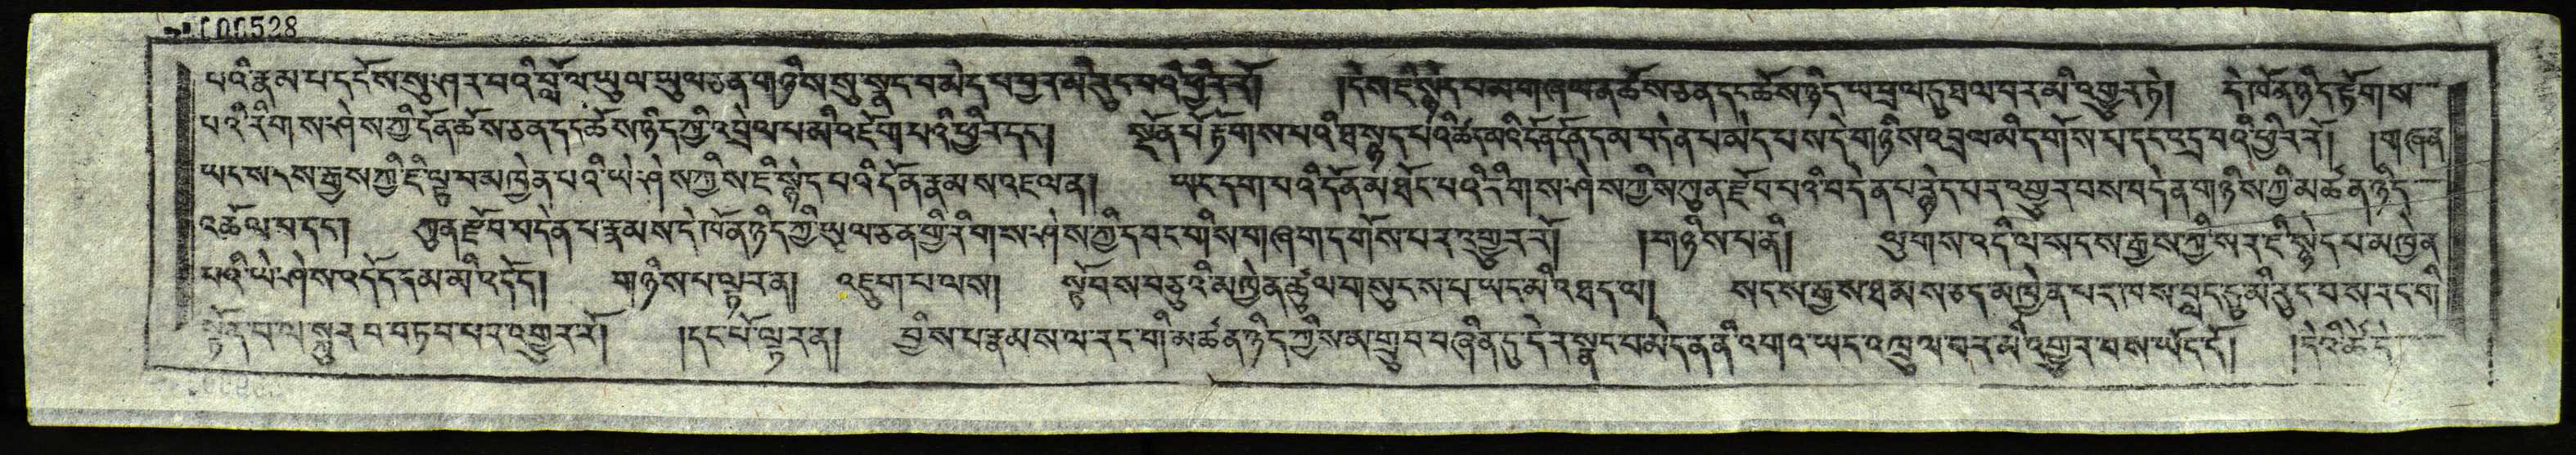པའི་རྣམ་པ་དངོས་སུ་ཤར་བའི་བློ་ལ་ཡུལ་ཡུལ་ཅན་གཉིས་སུ་སྣང་བ་མེད་པ་བྱར་མི་རུང་བའི་ཕྱིར་རོ། །དེས་ཇི་སྙེད་པ་མ་གཞལ་ན་ཆོས་ཅན་དང་ཆོས་ཉིད་ཡ་བྲལ་དུ་ཐལ་བར་མི་འགྱུར་ཏེ། དེ་ཁོ་ན་ཉིད་རྟོགས་
པའི་རིགས་ཤེས་ཀྱི་དོན་ཆོས་ཅན་དང་ཆོས་ཉིད་ཀྱི་འབྲེལ་པ་མི་འཇོག་པའི་ཕྱིར་དང་། སྔོན་པོ་རྟོགས་པའི་ཐ་སྙད་པའི་ཚད་མའི་དོན་དོན་དམ་བདེན་པ་མེད་པས་དེ་གཉིས་འབྲལ་མི་དགོས་པ་དང་འདྲ་བའི་ཕྱིར་རོ། །གཞན་
ཡང་སངས་རྒྱས་ཀྱི་ཇི་ལྟ་བ་མཁྱེན་པའི་ཡེ་ཤེས་ཀྱིས་ཇི་སྙེད་པའི་དོན་རྣམས་འཇལ་ན། ཡང་དག་པའི་དོན་མཐོང་བའི་རིགས་ཤེས་ཀྱིས་ཀུན་རྫོབ་པའི་བདེན་པ་རྙེད་པར་འགྱུར་བས་བདེན་གཉིས་ཀྱི་མཚན་ཉིད་
འཆོལ་པ་དང་། ཀུན་རྫོབ་བདེན་པ་རྣམས་དེ་ཁོ་ན་ཉིད་ཀྱི་ཡུལ་ཅན་གྱི་རིགས་ཤེས་ཀྱི་དབང་གིས་གཞག་དགོས་པར་འགྱུར་རོ། །གཉིས་པ་ནི། ལུགས་འདི་ལ་སངས་རྒྱས་ཀྱི་སར་ཇི་སྙེད་པ་མཁྱེན་
པའི་ཡེ་ཤེས་འདོད་དམ་མི་འདོད། གཉིས་པ་ལྟར་ན། འཇུག་པ་ལས། སྟོབས་བཅུའི་མཁྱེན་ཚུལ་གསུངས་པ་ཡང་མི་འཐད་ལ། སངས་རྒྱས་ཐམས་ཅད་མཁྱེན་པར་ཁས་བླང་དུ་མི་རུང་བས་རང་གི་
སྟོན་པ་ལ་སྐུར་བ་བཏབ་པར་འགྱུར་རོ། །དང་པོ་ལྟར་ན། བྱིས་པ་རྣམས་ལ་རང་གི་མཚན་ཉིད་ཀྱིས་མ་གྲུབ་བཞིན་དུ་དེར་སྣང་བ་མེད་ན་ནི་འགའ་ཡང་འཁྲུལ་བར་མི་འགྱུར་བས་ཡོད་དོ། །དེའི་ཚེ་དེ་?